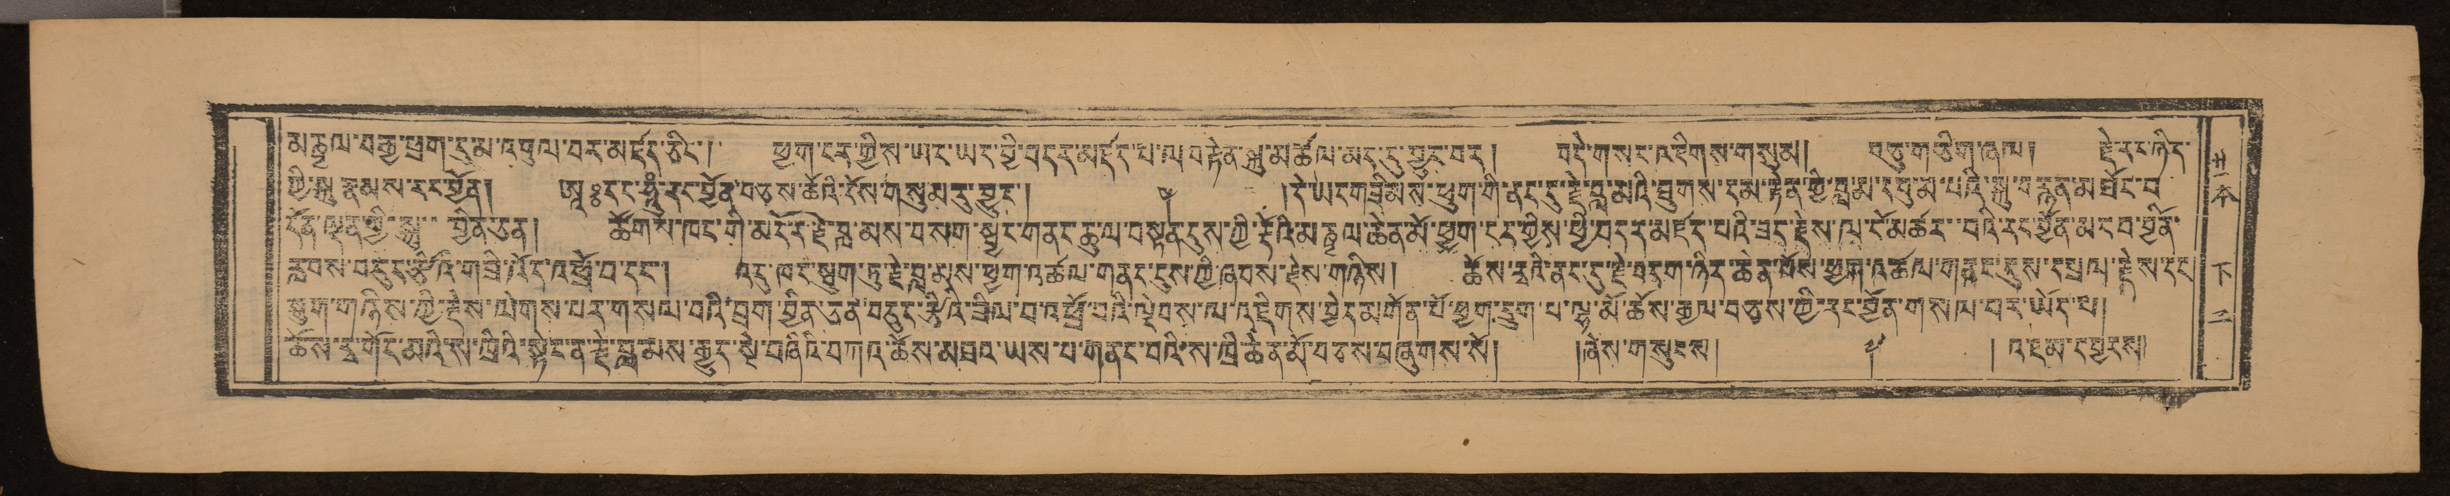མཎྜལ་བརྒྱ་ཕྲག་དུ་མ་འབུལ་བར་མཛད་ཅིང་། ཕྱག་དར་གྱིས་ཡང་ཡང་བྱི་བདར་མཛད་པ་ལ་བརྟེན་སྐུ་མཚལ་མང་དུ་བྱུང་བར། བདེ་གསང་འཇིགས་གསུམ། བཅུ་གཅིག་ཞལ། རྗེ་རང་ཉིད་
ཀྱི་སྐུ་རྣམས་རང་བྱོན། ཨཱཿ་དད་ཧཱུཾ་རང་བྱོན་བཅས་རྡོའི་ངོས་གསུམ་དུ་བྱུང་། ༈ །དེ་ཡང་གཟིམས་ཕུག་གི་ནང་དུ་རྗེ་བླ་མའི་ཐུགས་དམ་རྟེན་གྱི་བླ་མ་དབུ་མ་པའི་སྐུ་བརྙན་མཐོང་བ་
དོན་ལྡན་གྱི་སྐུ་བྱིན་ཅན། ཚོགས་ཁང་གི་མདོར་རྗེ་བླ་མས་བསག་སྦྱང་གནང་ཚུལ་བསྟན་དུས་ཀྱི་རྡོའི་མཎྚལ་ཆེན་མོ་ཕྱག་དར་གྱིས་ཕྱི་བདར་མཛད་བའི་ཟང་རྗེས་ལ་ངོ་མཚར་བའི་རང་བྱོན་མང་བ་བྱིན་
རླབས་བདུད་རྩིའི་གཟི་འོད་འཕྲོ་བ་དང་། འདུ་ཁང་སྦུག་ཏུ་རྗེ་བླ་མས་ཕྱག་འཚལ་གནང་དུས་ཀྱི་ཞབས་རྗེས་གཉིས། ཆོས་རྭའི་ནང་དུ་རྗེ་བདག་ཉིད་ཆེན་པོས་ཕྱག་འཚལ་གནང་དུས་དཔྲལ་རྗེས་དང་
ཕྱག་གཉིས་ཀྱི་རྗེས་ལེགས་པར་གསལ་བའི་བྲག་བྱིན་ཅན་བདུད་རྩིའི་ཟིལ་བ་འཕྲོ་བའི་ལྡེབས་ལ་འཇིགས་བྱེད་མགོན་པོ་ཕྱག་དྲུག་པ་ལྷ་མོ་ཆོས་རྒྱལ་བཅས་ཀྱི་རང་བྱོན་གསལ་བར་ཡོད་པ།
ཆོས་རྭ་གོང་མའི་ས་ཁྲིའི་སྟེང་ན་རྗེ་བླ་མས་རྒྱུད་སྡེ་བཞིའི་བཀའ་ཆོས་མཐའ་ཡས་པ་གནང་བའི་ས་ཁྲི་ཆེན་མོ་བཅས་བཞུགས་སོ། །ཞེས་གསུངས། ༈ །འཇམ་དབྱངས་